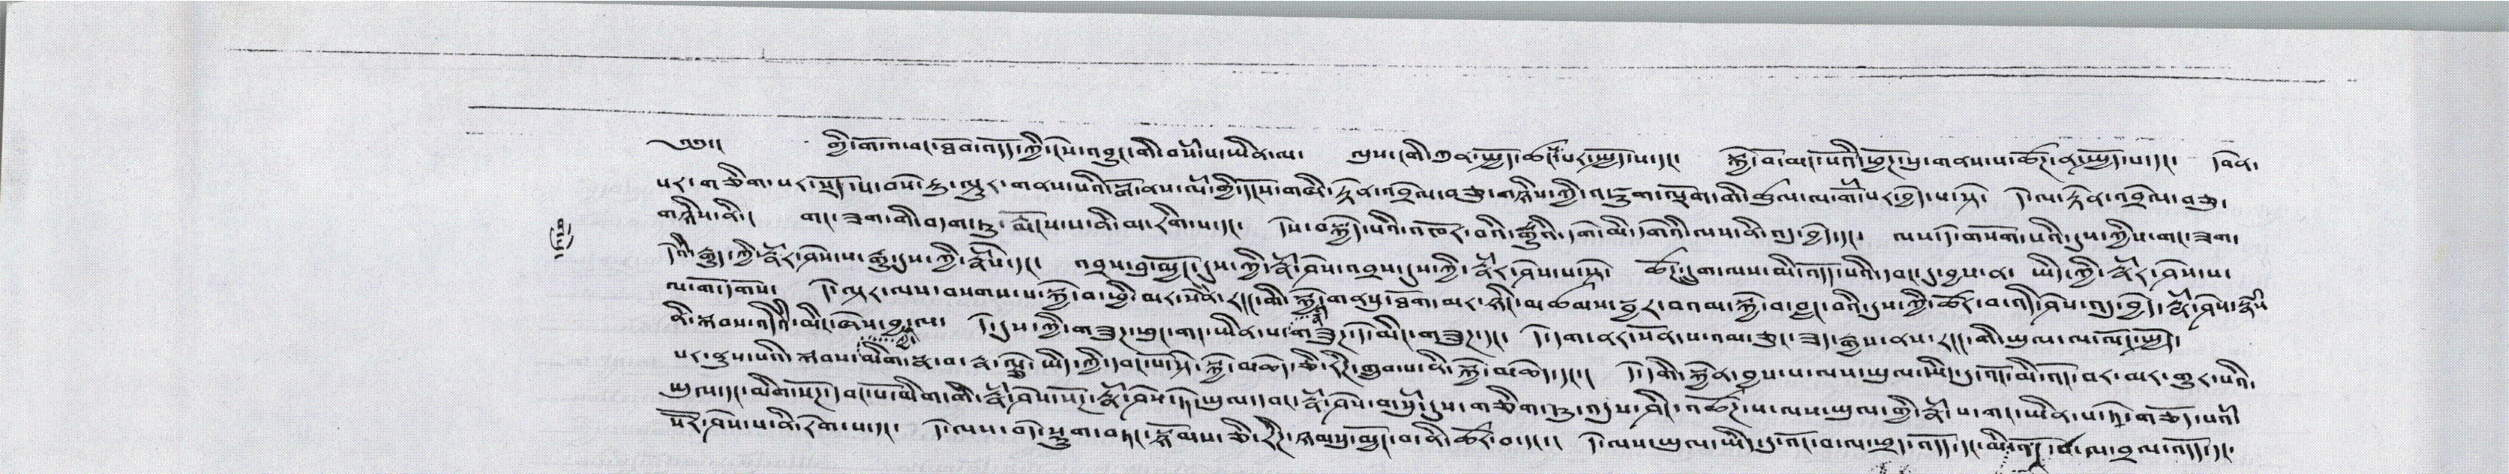གྱི་གོ་འཕང་ཐོབ་འདོད་ཀྱི་ངེས་འབྱུང་གི་བསམ་པ་ཡིན་ལ། ལུས་ངག་གི་ཀུན་སྤྱོད་ཚངས་པར་སྤྱོད་པ་དང་། སྐྱེ་མདོག་པའི་ཕྲོགས་སུ་གནས་ས་མཆོག་ན་སྤྱོད་པ་དང་ དབེན་
པར་གཅིག་པུར་སྡོད་པ་བསེ་རུ་ལྟ་བུར་གནས་པའི་སྒོ་ནས་ལམ་གྱི་དངོས་གཞི་རྟེན་འབྲེལ་བཅུ་གཉིས་ཀྱི་འཇུག་ལྡོག་གི་ཚུལ་ལ་གོམས་པར་བྱེད་པ་སྟེ། དེ་ལ་རྟེན་འབྲེལ་བཅུ་
གཉིས་ནི། གང་ཟག་གི་བདག་ཏུ་རྨོངས་པ་མ་རིག་པ་དང་། དེས་བསྐྱེད་པའི་འཁོར་བའི་རྒྱུའི་དགེ་མི་དགེའི་ལས་ནི་འདུ་བྱེད་དང་། ལས་དེ་གསོག་པའི་དུས་ཀྱི་གང་ཟག་
དེའི་རྒྱུད་ཀྱི་རྣམ་པར་ཤེས་པ་རྒྱུ་དུས་ཀྱི་རྣམ་ཤེས་དང་། འབྲས་བུ་མྱོང་དུས་ཀྱི་རྣམ་ཤེས་འབྲས་དུས་ཀྱི་རྣམ་པར་ཤེས་པ་སྟེ། ཚོགས་དྲུག་ལས་མི་འདོད་པའི་དབང་དུ་བྱས་ན་ཡིད་ཀྱི་རྣམ་པར་ཤེས་པ་
ལ་གོ་དགོས་སོ། དེ་ལྟར་ལས་བསགས་པ་སྐྱེ་བ་ཕྱི་མར་སེམས་ཅན་རང་རང་གི་སྐྱེ་གནས་སུ་ཐོག་མར་ཉིང་མཚམས་སྦྱར་བའམ་སྐྱེ་བ་བླང་བའི་དུས་ཀྱི་ཚོར་བ་འདུ་ཤེས་འདུ་བྱེད་རྣམ་ཤེས་རྣམས་
ནི་སྐབས་འདིའི་མིང་ཞེས་བྱ་ལ། དེ་དུས་ཀྱི་གཟུགས་ཕུང་གང་ཡིན་པ་གཟུགས་དེ་མིང་གཟུགས་དང་། དེ་དག་ནར་སོན་པའམ་ཅུང་ཟད་རྒྱས་ནས་རང་རང་གི་ཡུལ་ལ་ལོངས་སྤྱོད་
པར་ནུས་པའི་སྐབས་ཀྱི་མིག་རྣ་བ་སྣ་ལྕེ་ཡིད་ཀྱི་དབང་པོ་སྟེ་སྐྱེ་མཆེད་ཅི་རིགས་གྲུབ་པ་ནི་སྐྱེ་མཆེད་དང་། དེ་དག་གི་རྐྱེན་བྱས་པ་ལས་ཡུལ་ཡིད་དུ་འོང་མི་འོང་བར་མར་གྱུར་པའི་
ཡུལ་དང་མིག་སོགས་དབང་པོ་མིག་གི་རྣམ་ཤེས་སོགས་རྣམ་ཤེས་ཏེ་ཡུལ་དབང་རྣམ་ཤེས་གསུམ་དུས་གཅིག་ཏུ་འདུས་ཤིང་འཚོགས་པ་ལས་ཡུལ་གྱི་རྣམ་པ་གང་ཡིན་པ་ཏེ་གཅོད་པའམ་
སོ་སོར་ཤེས་པའི་རིག་པ་དང་། དེ་ལས་བདེ་སྡུག་བཏང་སྙོམས་ཅི་རིགས་ཉམས་སུ་མྱོང་བ་ནི་ཚོར་བ་དང་། དེ་ལས་ཡུལ་ཡིད་དུ་འོང་བ་འཕྲད་འདོད་དང་མི་འོང་བ་ལ་བྲལ་འདོད་དང་།